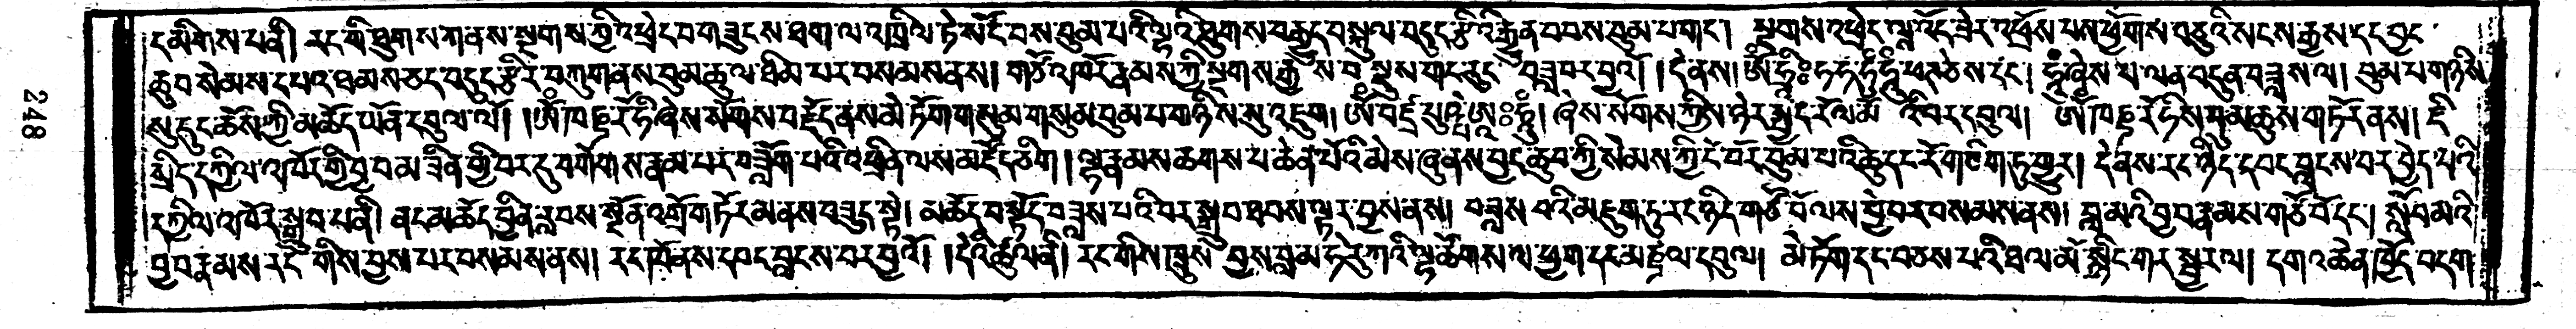དམིགས་པ་ནི། རང་གི་ཐུགས་ཀ་ནས་སྔགས་ཀྱི་འཕྲེང་བ་གཟུངས་ཐག་ལ་འཁྲིལ་ཏེ་སོང་བས་བུམ་པའི་ལྷའི་ཐུགས་བརྒྱུད་བསྐུལ་བདུད་རྩིའི་རྒྱུན་བབས་བུམ་པ་གང་། སྔགས་འཕྲེང་ལས་འོད་ཟེར་འཕྲོས་པས་ཕྱོགས་བཅུའི་སངས་རྒྱས་དང་བྱང་
ཆུབ་སེམས་དཔའ་ཐམས་ཅད་བདུད་རྩིར་བཀུག་ནས་བུམ་ཆུ་ལ་ཐིམ་པར་བསམས་ནས། གཙོ་འཁོར་རྣམས་ཀྱི་སྔགས་རྒྱས་བསྡུས་གང་རུང་བཟླ་བར་བྱའོ། །དེ་ནས། ཨོཾ་ཧྲཱིཿ ཧ་ཧ་ཧུཾ་ཧཱུཾ་ཕཊ་ཅེས་དང་། ཧཱུཾ་ཞེས་པ་ལན་བདུན་བཟླས་ལ། བུམ་པ་གཉིས་
སུ་དུང་ཆོས་ཀྱི་མཆོད་ཡོན་དབུལ་ལོ། །ཨོཾ་ཁཎྜ་རོ་ཧི་ཞེས་སོགས་བརྗོད་ནས་མེ་ཏོག་གསུམ་གསུམ་བུམ་པ་གཉིས་སུ་འཇུག། ཨོཾ་བཛྲ་པུཥྤེ་ཨཱཿ ཧཱུཾ། ཞེས་སོགས་ཀྱིས་ཉེར་སྤྱད་རོལ་མོའི་བར་དབུལ། ཨོཾ་ཁཎྜ་རོ་ཧིས་བུམ་ཆུས་གཏོར་ནས། ཇི་
སྲིད་དཀྱིལ་འཁོར་གྱི་བྱ་བ་མ་ཟིན་གྱི་བར་དུ་བགེགས་རྣམ་པར་བཟློག་པའི་འཕྲིན་ལས་མཛོད་ཅིག །ལྷ་རྣམས་ཆགས་པ་ཆེན་པོའི་མེས་ཞུ་ནས་བྱང་ཆུབ་ཀྱི་སེམས་ཀྱི་ངོ་བོར་བུམ་པའི་ཆུ་དང་རོ་གཅིག་ཏུ་གྱུར། དེ་ནས་རང་ཉིད་དབང་བླངས་བར་བྱེད་པའི་
དཀྱིལ་འཁོར་སྒྲུབ་པ་ནི། ནང་མཆོད་བྱིན་རླབས་སྔོན་འགྲོ་གཏོར་མ་ནས་བཟུང་སྟེ། མཆོད་བསྟོད་བཟླས་པའི་བར་སྒྲུབ་ཐབས་ལྟར་བྱས་ནས། བཟླས་བའི་མཇུག་ཏུ་རང་ཉིད་གཙོ་བོ་ལས་བྱེ་བར་བསམས་ནས། བླ་མའི་བྱ་བ་རྣམས་གཙོ་བོ་དང་། སློབ་མའི་
བྱ་བ་རྣམས་རང་གིས་བྱས་པར་བསམས་ནས། རང་ཁོ་ནས་དབང་བླངས་བར་བྱའོ། །དེའི་ཚུལ་ནི། རང་གིས་ཁྲུས་བྱས་བླ་མ་ཧེ་རུ་ཀའི་ལྷ་ཚོགས་ལ་ཕྱག་དང་མཎྜལ་དབུལ། མེ་ཏོག་དང་བཅས་པའི་ཐལ་མོ་སྙིང་གར་སྦྱར་ལ། དགའ་ཆེན་ཁྱོད་བདག་